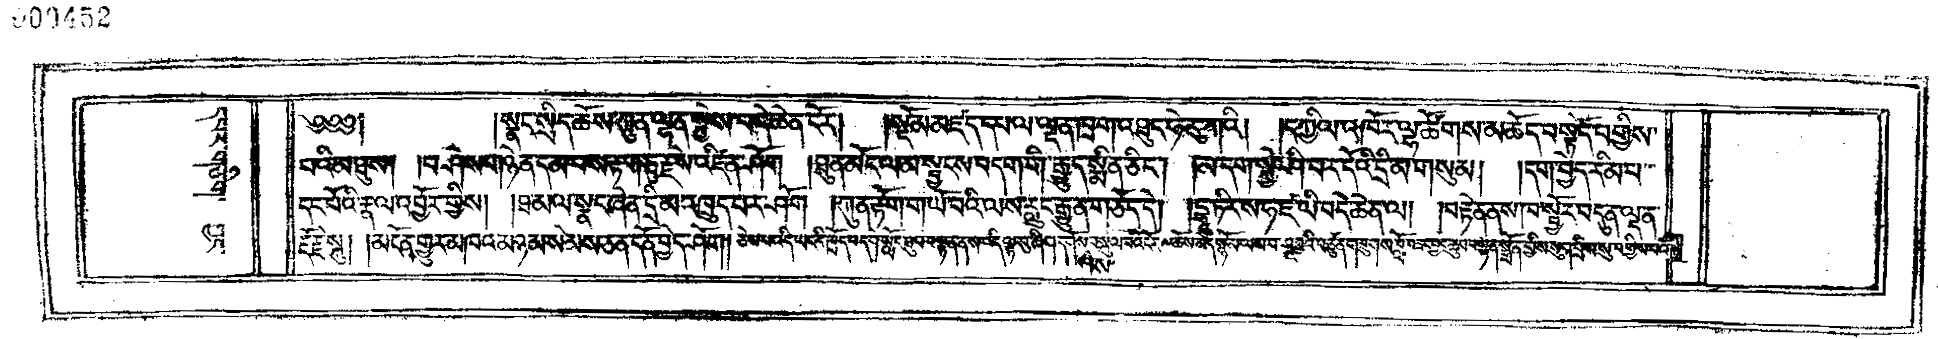༄༅༅། །སྣང་སྲིད་ཆོས་ཀུན་ལྷན་སྐྱེས་བདེ་ཆེན་ངོར། །སྡོམ་མཛད་དཔལ་ལྡན་ཁྲག་འཐུང་ཧེ་རུ་ཀའི། །དཀྱིལ་འཁོར་ལྷ་ཚོགས་མཆོད་བསྟོད་བགྱིས་
པའི་མཐུས། །བཤེས་གཉེན་དམ་པས་རྟག་ཏུ་རྗེས་འཛིན་ཤོག །ཐུན་མོང་ལམ་སྦྱངས་བདག་གི་རྒྱུད་སྨིན་ཅིང་། །མ་དག་སྐྱེ་ཤི་བར་དོའི་དྲི་མ་གསུམ། །དག་བྱེད་རིམ་པ་
དང་པོའི་རྣལ་འབྱོར་གྱིས། །ཐ་མལ་སྣང་ཞེན་དྲི་མ་འཁྲུད་པར་ཤོག །ཀུན་རྟོག་གཡོ་བའི་ལས་རླུང་རྒྱུན་གཅོད་དེ། །དྷཱུ་ཏིར་ས་ཧ་ཛ་ཡི་བདེ་ཆེན་ལ། །བརྟེན་ནས་ཁ་སྦྱོར་བདུན་ལྡན་
རྡོ་རྗེ་སྐུ། །མངོན་གྱུར་མཁའ་མཉམ་སེམས་ཅན་དོན་བྱེད་ཤོག་།ཅེས་པ་འདི་ཡང་རི་ཁྲོད་པ་དགེ་སློང་ཐུབ་བསྟན་ནས་འདི་ལྟ་བུ་ཞིག་དགོས་ཤེས་བསྐུལ་བའི་ངོར་༧་ཆོས་མེད་སྙོམ་ལས་བ་ཤཱཀྱའི་བཙུན་གཟུགས་བློ་བཟང་བྱང་ཆུབ་བསྟན་སྒྲོན་གྱིས་སུག་བྲིས་སུ་བགྱིས་པའོ། །